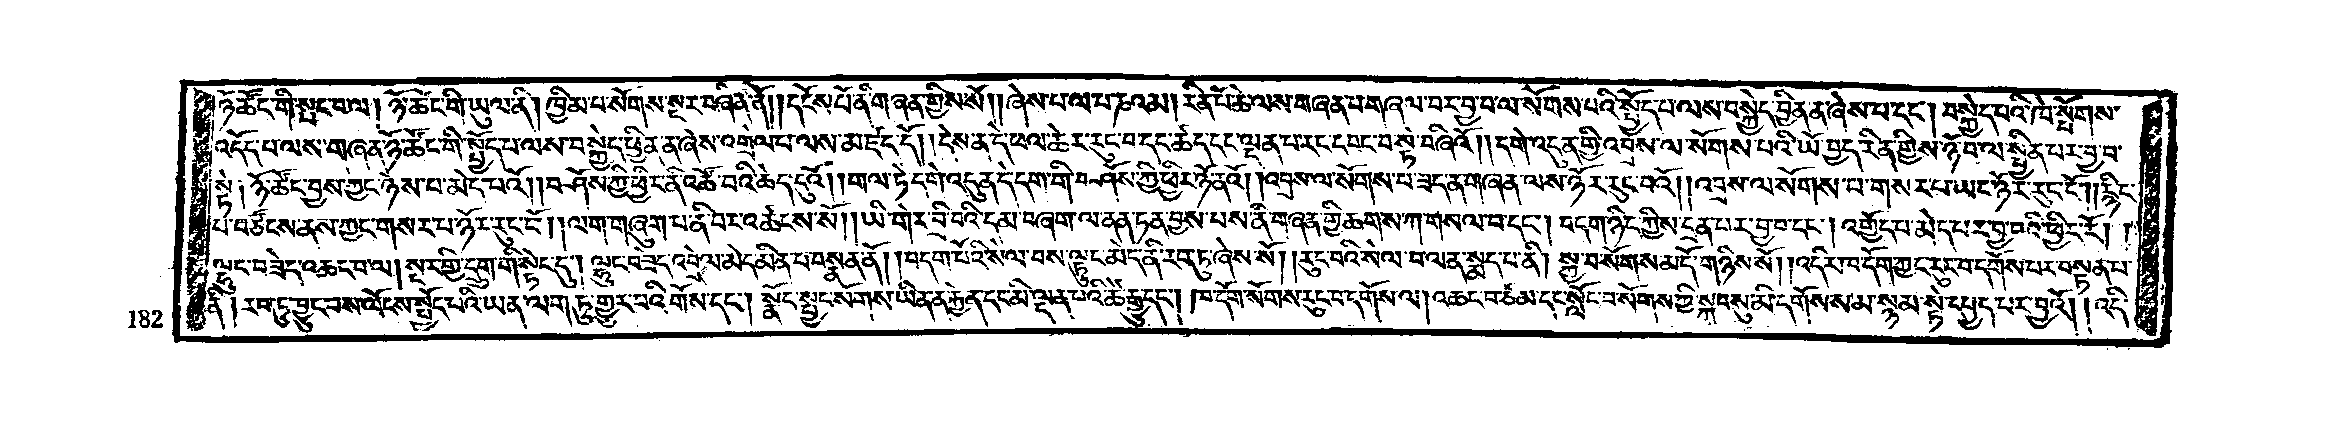ཉོ་ཚོང་གི་སྤང་བ་ལ། ཉོ་ཚོང་གི་ཡུལ་ནི། ཁྱིམ་པ་སོགས་སྔར་བཞན་ནོ། །དངོས་པོ་ནི་གཞན་གྱིས་སོ། །ཞེས་པ་ལ་པ་ཎའམ། རིན་པོ་ཆེ་ལས་གཞན་པ་གཞལ་བར་བྱ་བ་ལ་སོགས་པའི་སྤྱོད་པ་ལས་བསྐྱེད་བྱིན་ན་ཞེས་པ་དང་། བསྐྱེད་པའི་ཁེ་སྤོགས་
འདོད་པ་ལས་གཞན་ཉོ་ཚོང་གི་སྐྱོད་པ་ལས་བསྐྱེད་ཕྱིན་ན་ཞེས་འགྲེལ་བ་ལས་མཛད་དོ། །དེས་ན་དེ་ཕལ་ཆེར་རུང་བ་དང་ཚེད་དང་ལྡན་པ་རང་དབང་བ་སྟེ་བཞིའོ། །དགེ་འདུན་གྱི་འབྲས་ལ་སོགས་པའི་ཡོ་བྱད་རིན་གྱིས་ཉོ་བ་ལ་སྦྱིན་པར་བྱ་བ་
སྟེ། ཉོ་ཚོང་བྱས་ཀྱང་ཉོས་པ་མེད་པའོ། །བ་ཤོས་ཀྱི་ཕྱིར་ནི་འཚོ་བའི་ཚེད་དུའོ། །གལ་ཏེ་དགེ་འདུན་དེ་དག་གི་བཤོས་ཀྱི་ཕྱིར་ཉོ་ནའོ། །འབྲས་ལ་སོགས་པ་ཟད་ན་གཞན་ལས་ཉོར་རུང་བའོ། །འབྲས་ལ་སོགས་པ་གསར་པ་ཡང་ཉོར་རུང་ངོ། །རྙིང་
པ་བཙངས་ནས་ཀྱང་གསར་པ་ཉོར་རུང་པོ། །ལག་གཞུག་པ་ནི་བར་འཚངས་སོ། །ཡི་གེར་བྲི་བའི་དམ་བཞག་ལ་ནན་ཏན་བྱས་པས་ནི་གཞན་གྱི་ཆགས་ཀ་གསལ་བ་དང་། བདག་ཉིད་ཀྱིས་དྲན་པར་བྱ་བ་དང་། འགྱོད་པ་མེད་པར་བྱ་བའི་ཕྱིར་རོ། །
ལྷུང་བཟེད་འཆང་བ་ལ། སྔར་གྱི་དྲུག་གི་སྟེང་དུ། ལྷུང་བཟེད་འབྲེལ་མེད་མིན་པ་བསྣན་ནོ། །བདག་པོའི་སེལ་བས་ལྟུང་མེད་ནི་རབ་ཏུ་ཞེས་སོ། །རུང་བའི་སེལ་བ་ལ་ན་སྨད་པ་ནི། སྐྱ་བ་སོགས་མདོ་གཉིས་སོ། །འདིར་ཁ་དོག་ཀྱང་རུང་བ་དགོས་པར་བསྟན་པ་
ནི། རབ་ཏུ་བྱུང་བས་ལོངས་སྤྱོད་པའི་ཡན་ལག་ཏུ་གྱུར་པའི་གོས་དང་། སྣོད་སྤྱད་སོགས་ཡིན་ན་རྐྱེན་དང་མི་ལྡན་པའི་ཚེ་རྒྱུ་དང་། ཁ་དོག་སོགས་རུང་བ་དགོས་ལ། འཆང་བ་ཙམ་དང་སློང་བ་སོགས་ཀྱི་སྐབས་སུ་མི་དགོས་སམ་སྙམ་སྟེ་དཔྱད་པར་བྱའོ། །འདི་